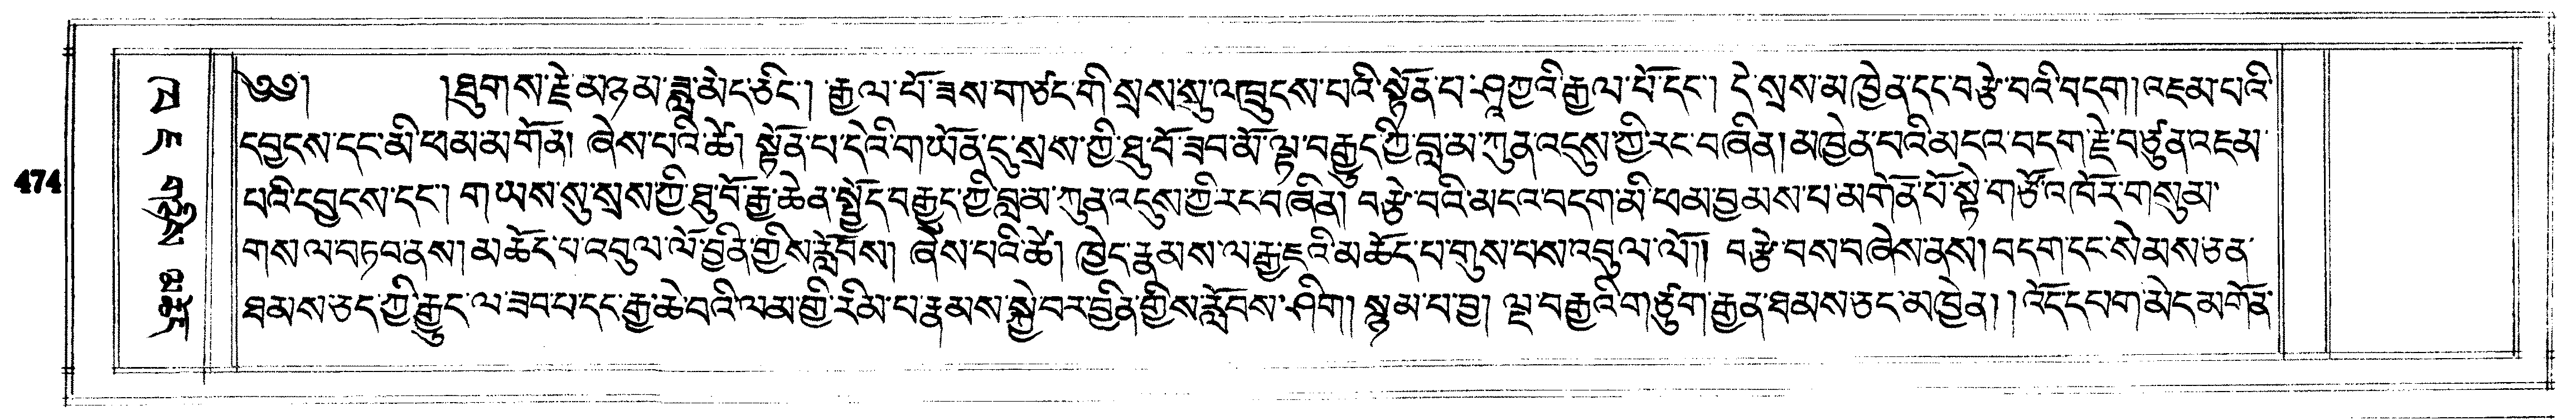༄༅། །ཐུགས་རྗེ་མཉམ་ཟླ་མེད་ཅིང་། རྒྱལ་པོ་ཟས་གཙང་གི་སྲས་སུ་འཁྲུངས་པའི་སྟོན་པ་ཤཱཀྱའི་རྒྱལ་པོ་དང་། དེ་སྲས་མཁྱེན་དང་བརྩེ་བའི་བདག །འཇམ་པའི་
དབྱངས་དང་མི་ཕམ་མགོན། ཞེས་པའི་ཚེ། སྟོན་པ་དེའི་གཡོན་དུ་སྲས་ཀྱི་ཐུ་བོ་ཟབ་མོ་ལྟ་བརྒྱུད་ཀྱི་བླ་མ་ཀུན་འདུས་ཀྱི་རང་བཞིན། མཁྱེན་པའི་མངའ་བདག་རྗེ་བཙུན་འཇམ་
པའི་དབྱངས་དང་། གཡས་སུ་སྲས་ཀྱི་ཐུ་བོ་རྒྱ་ཆེན་སྤྱོད་བརྒྱུད་ཀྱི་བླ་མ་ཀུན་འདུས་ཀྱི་རང་བཞིན། བརྩེ་བའི་མངའ་བདག་མི་ཕམ་བྱམས་པ་མགོན་པོ་སྟེ་གཙོ་འཁོར་གསུམ་
གསལ་བཏབ་ནས། མཆོད་པ་འབུལ་ལོ་བྱིན་གྱིས་རློབས། ཞེས་པའི་ཚེ། ཁྱེད་རྣམས་ལ་རྒྱ་ཇའི་མཆོད་པ་གུས་པས་འབུལ་ལོ། ། བརྩེ་བས་བཞེས་ནས། བདག་དང་སེམས་ཅན་
ཐམས་ཅད་ཀྱི་རྒྱུད་ལ་ཟབ་པ་དང་རྒྱ་ཆེ་བའི་ལམ་གྱི་རིམ་པ་རྣམས་སྐྱེ་བར་བྱིན་གྱིས་རློབས་ཤིག །སྙམ་པ་བྱ། ལྔ་བརྒྱའི་གཙུག་རྒྱན་ཐམས་ཅད་མཁྱེན། །འོད་དཔག་མེད་མགོན་